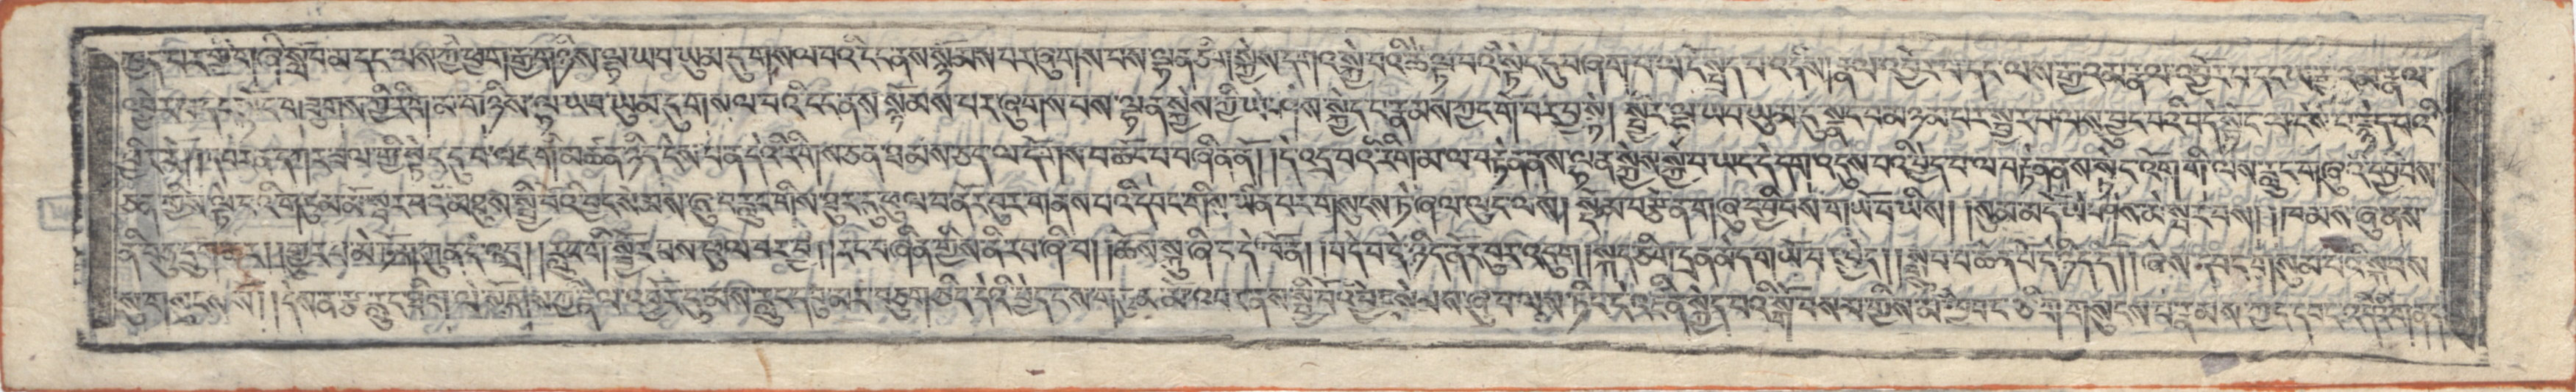ཁྱད་པར་གྱི་གཞི་སློབ་མ་དང་ལས་ཀྱི་ཕྱག་རྒྱ་གཉིས་ལྷ་ཡབ་ཡུམ་དུ་གསལ་བའི་ངང་ནས་སྙོམས་པར་ཞུགས་པས་ལྷན་ཅིག་སྐྱེས་དགའ་སྐྱེ་བའི་ཚེ་ལྟ་བའི་སྟེང་དུ་བཞག་པ་ལ་ངོ་སྤྲད་པ་འདིས། རྣལ་འབྱོར་པ་དང་ལས་རྒྱ་འམ་རྣལ་འབྱོར་པ་དང་ཡ་རྒྱ་འམ་རྣལ་
འབྱོར་བ་དང་སྟོང་གཟུགས་ཀྱི་རིག་མ་གཉིས་ལྷ་ཡབ་ཡུམ་དུ་གསལ་བའི་ངང་ནས་སྙོམས་པར་ཞུགས་པས་ལྷན་སྐྱེས་ཀྱི་ཡེ་ཤེས་སྐྱེད་པ་རྣམས་ཀྱང་གོ་བར་བྱ་སྟེ། སྤྱིར་ལྷ་ཡབ་ཡུམ་དུ་སྣང་བ་མཉམ་པར་སྦྱར་བ་ལས་བྱུང་བའི་བདེ་སྟོང་ལ་ངེས་པ་རྙེད་པའི་
ཕྱིར་རོ། །དཔེར་ན་དཀར་ཟལ་གྱི་སྟེང་དུ་བ་ལང་གི་མཚན་ཉིད་ངེས་པ་ན་དེའི་རིགས་ཅན་ཐམས་ཅད་ལ་དོགས་པ་ཚད་པ་བཞིན་ནོ། །དེ་འདྲ་བའི་རིག་མ་ལ་བརྟེན་ནས་ལྷན་སྐྱེས་སྐྱེ་བ་ཡང་དེ་དག་འདུས་པའི་བྱེད་པ་ལ་བརྟེན་ནས་སྟེང་འོག་གི་ལས་རླུང་གཞུའི་དབྱིབས་
ཅན་གྱིས་ལྟེ་བའི་གཏུམ་མོ་སྦར་བའི་མཐུས་སྤྱི་བོའི་བྱང་སེམས་ཞུ་བརླུང་གིས་ཐུར་དུ་ཕུལ་བ་ནོར་བུར་གནས་པའི་དབང་གིས་ཡིན་པར་གསུངས་ཏེ་ཞལ་ལུང་ལས། སྡོམ་བརྩོན་གཞུ་དབྱིབས་གཡོ་བ་ཡིས། །སུམ་མདོ་ཡེ་ཤེས་མེ་སྤར་བས། །ཁམས་ཞུ་ནས་
ནི་བཅུ་དྲུག་ཆར། །གྱུར་པ་མེ་ཏོག་ཀུན་དེ་འདྲ། །རླུང་གི་སྦྱོར་བས་ཕུལ་བར་བྱ། །རང་བཞིན་གྱིས་ནི་རབ་ཞི་བ། །ཆོས་སྐུ་ཞི་བ་དེ་ཁོ་ན། །བདེ་བ་དེ་ཉིད་ནོར་བུ་འདུག །སྐད་ཅིག་དྲན་མེད་གཡོ་བར་བྱེད། །སྒྲུབ་པ་ཆེན་པོ་དེ་ཉིད་དོ། །ཞེས་དབང་གསུམ་པའི་སྐབས་
སུ་གསུངས་སོ། །དེས་ན་རྩ་རླུང་ཐིག་ལེ་སོགས་ཀྱི་རྣལ་འབྱོར་དུ་མས་རླུང་དབུ་མར་བཅུག་ཅིང་དེའི་བྱེད་པས་གཏུམ་མོ་འབར་ནས་སྤྱི་བོའི་བྱང་སེམས་ཞུ་བ་ལས་ཏིང་ངེ་འཛིན་སྐྱེད་པའི་སྒོ་བསམ་གྱིས་མི་ཁྱབ་པ་ཅིག་གསུངས་པ་རྣམས་ཀྱང་དབང་འདིའི་གནད་